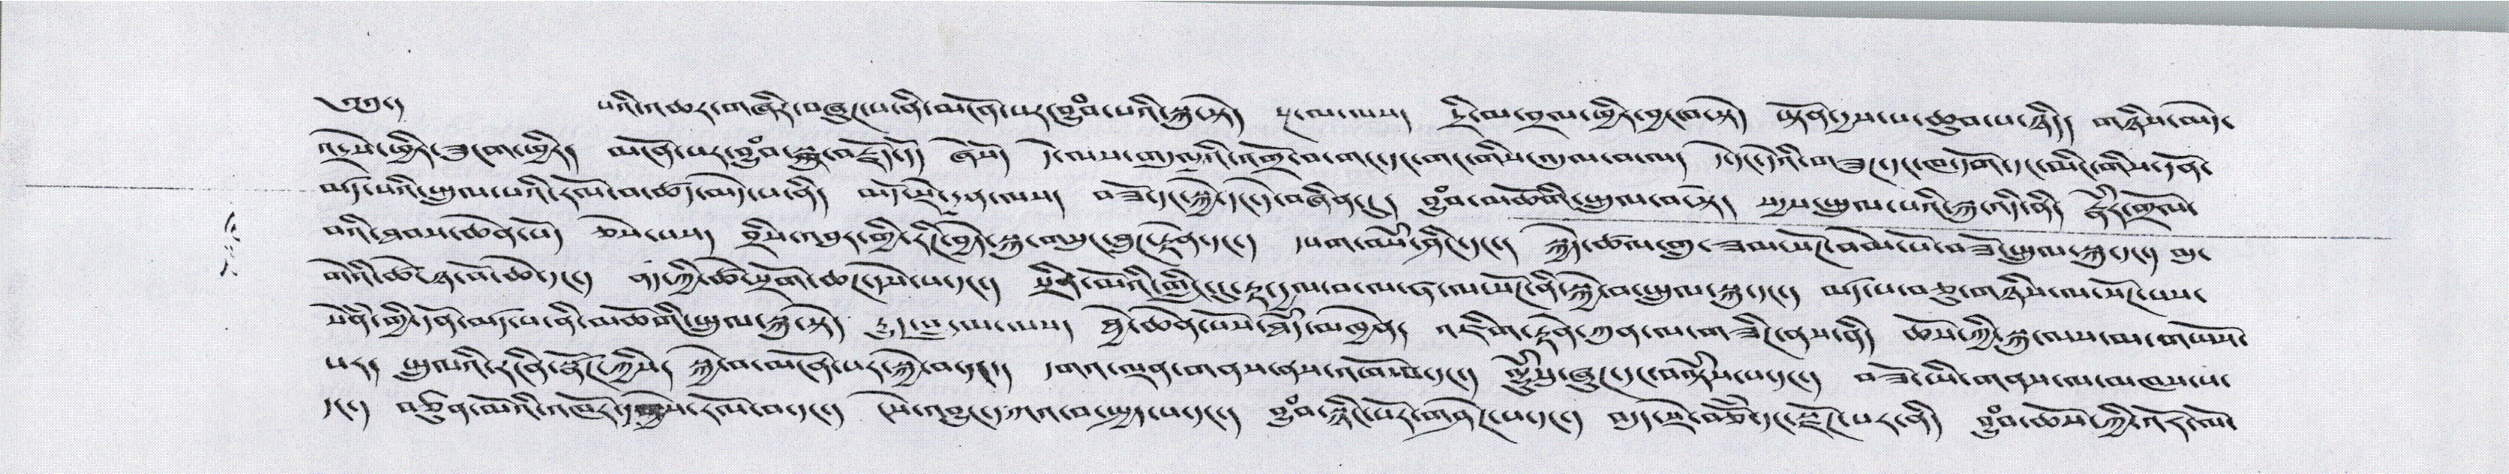པའི་འཆར་གཞིར་བཞུགས་པ་ནི་མངོན་པར་བྱང་ཆུབ་པའི་སྐུ་སྟེ། སྔ་མ་ལས། དྲི་མ་བྲལ་ཕྱིར་བྱང་བ་སྟེ། ཡོན་ཏན་རྒྱས་པ་ཆུབ་པ་ཉིད། གཉིས་མེད་
འདྲེས་ཕྱིར་ཟུང་འཇུག་ཕྱིར། མངོན་པར་བྱང་ཆུབ་སྐུ་བརྗོད་དོ། ཞེས་སོ། དེ་ལས་གདུལ་བྱའི་འགྲོ་བ་གང་དང་གང་གིས་འདུལ་བ་ལ། དེ་དང་དེའི་གཟུགས་དང་ཁ་དོག་དང་མིང་གིས་དོན་
མཛད་པའི་སྤྲུལ་པའི་རོལ་བ་ཚད་མེད་པ་ནི། མདོ་སྡེ་རྒྱན་ལས། བཟོ་དང་སྐྱེ་དང་དེ་བཞིན་དུ། བྱང་ཆུབ་མཆོག་གི་སྤྲུལ་པ་སྟེ། སངས་རྒྱས་སྤྲུལ་པའི་སྐུ་འདི་ནི། རྣམ་པར་གྲོལ་
བའི་ཐབས་ཆེན་པོ། ཅེས་པས། བྲིས་འབུར་གྱི་རིགས་བྱེད་སྐུ་གསུང་ཐུགས་རྟེན་དང། དཔག་བསམ་ཤིང་དང། སྐྱེད་ཚལ་གྲུ་ཟམ་སོགས་བེམ་པོ་བཟོ་སྤྲུལ་སྐུ་དང། མུ་
གེའི་ཚེ་ཉ་བོ་ཆེ་དང། ནད་ཀྱི་ཚེ་སྲོག་ཆགས་ངེས་པ་དང། སྲིན་མོའི་གླིང་དུ་རྟ་རྒྱལ་བ་ལ་ཧ་ལ་སོགས་ནི་སྐྱེ་བ་སྤྲུལ་སྐུ་དང། མཛད་པ་བཅུ་གཉིས་ལ་སོགས་པས་
སེམས་ཅན་གྱི་དོན་མཛད་པ་ནི་མཆོག་གི་སྤྲུལ་སྐུ་སྟེ། རྒྱུད་བླ་མ་ལས། ཐུགས་རྗེ་ཆེན་པོས་ཐམས་ཅད་མཁྱེན། འཇིག་རྟེན་ཀུན་ལ་གཟིགས་ནས་ནི། ཆོས་ཀྱི་སྐུ་ལས་མ་གཡོས་
པར། སྤྲུལ་པའི་རང་བཞིན་སྣ་ཚོགས་ཀྱིས། སྐྱེ་བ་མངོན་པར་སྐྱེ་བ་དང། དགའ་ལྡན་གནས་ནས་འཕོ་བ་དང། ལྷུམས་སུ་ཞུགས་དང་བལྟམས་པ་དང། བཟོ་ཡི་གནས་ལ་མཁས་པ་
དང། བཙུན་མོའི་འཁོར་དགྱེས་རོལ་བ་དང། ངེས་འབྱུང་དཀའ་བ་སྤྱད་པ་དང། བྱང་ཆུབ་སྙིང་པོར་གཤེགས་པ་དང། བདུད་སྡེ་བཅོམ་དང་རྫོགས་པར་ནི། བྱང་ཆུབ་ཆོས་ཀྱི་འཁོར་ལོ་